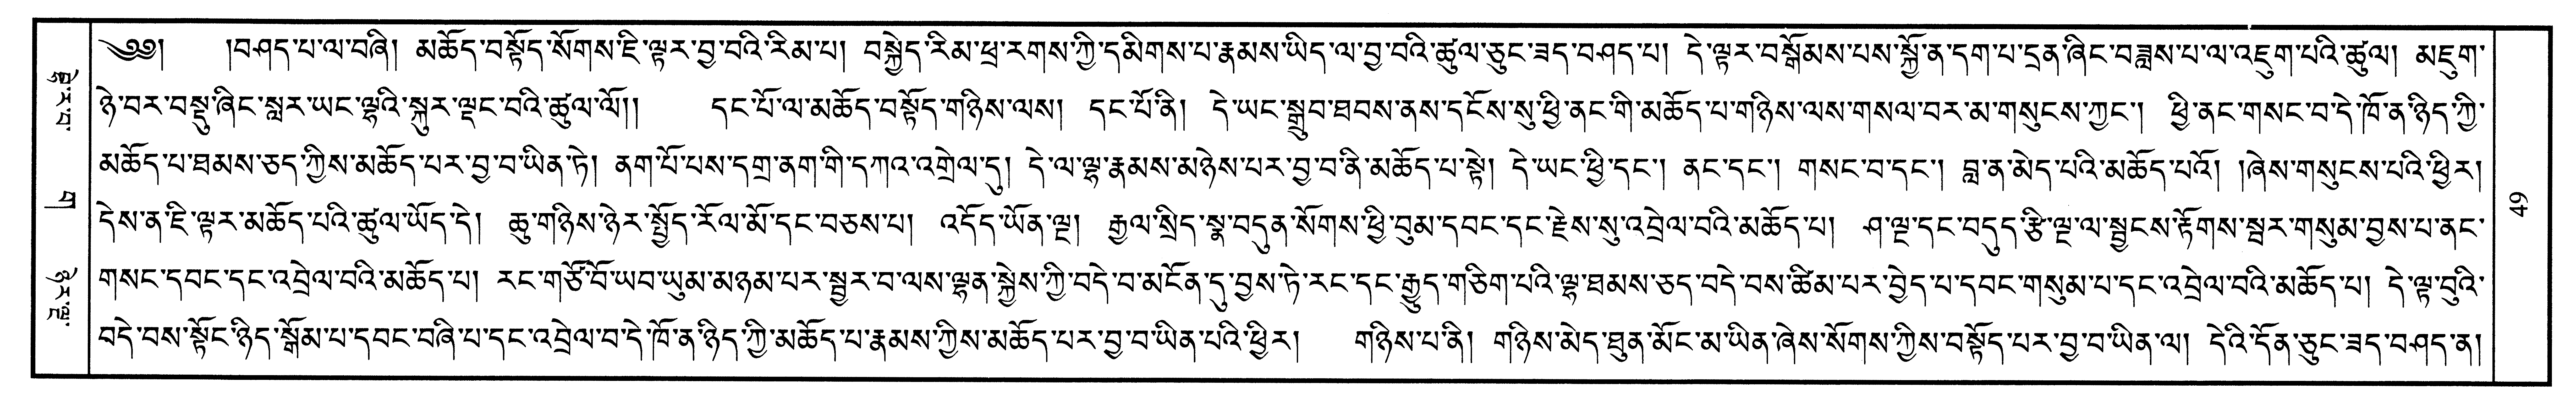༄༅། །བཤད་པ་ལ་བཞི། མཆོད་བསྟོད་སོགས་ཇི་ལྟར་བྱ་བའི་རིམ་པ། བསྐྱེད་རིམ་ཕྲ་རགས་ཀྱི་དམིགས་པ་རྣམས་ཡིད་ལ་བྱ་བའི་ཚུལ་ཅུང་ཟད་བཤད་པ། དེ་ལྟར་བསྒོམས་པས་སྐྱོ་ན་དག་པ་དྲན་ཞིང་བཟླས་པ་ལ་འཇུག་པའི་ཚུལ། མཇུག་
ཉེ་བར་བསྡུ་ཞིང་སླར་ཡང་ལྷའི་སྐུར་ལྡང་བའི་ཚུལ་ལོ།། དང་པོ་ལ་མཆོད་བསྟོད་གཉིས་ལས། དང་པོ་ནི། དེ་ཡང་སྒྲུབ་ཐབས་ནས་དངོས་སུ་ཕྱི་ནང་གི་མཆོད་པ་གཉིས་ལས་གསལ་བར་མ་གསུངས་ཀྱང་། ཕྱི་ནང་གསང་བ་དེ་ཁོ་ན་ཉིད་ཀྱི་
མཆོད་པ་ཐམས་ཅད་ཀྱིས་མཆོད་པར་བྱ་བ་ཡིན་ཏེ། ནག་པོ་པས་དགྲ་ནག་གི་དཀའ་འགྲེལ་དུ། དེ་ལ་ལྷ་རྣམས་མཉེས་པར་བྱ་བ་ནི་མཆོད་པ་སྟེ། དེ་ཡང་ཕྱི་དང་། ནང་དང་། གསང་བ་དང་། བླ་ན་མེད་པའི་མཆོད་པའི། །ཞེས་གསུངས་པའི་ཕྱིར།
དེས་ན་ཇི་ལྟར་མཆོད་པའི་ཚུལ་ཡོད་དེ། ཆུ་གཉིས་ཉེར་སྤྱོད་རོལ་མོ་དང་བཅས་པ། འདོད་ཡོན་ལྔ། རྒྱལ་སྲིད་སྣ་བདུན་སོགས་ཕྱི་བུམ་དབང་དང་རྗེས་སུ་འབྲེལ་བའི་མཆོད་པ། ཤ་ལྔ་དང་བདུད་རྩི་ལྔ་ལ་སྦྱངས་རྟོགས་སྦར་གསུམ་བྱས་པ་ནང་
གསང་དབང་དང་འབྲེལ་བའི་མཆོད་པ། རང་གཙོ་བོ་ཡབ་ཡུམ་མཉམ་པར་སྦྱར་བ་ལས་ལྷན་སྐྱེས་ཀྱི་བདེ་བ་མངོན་དུ་བྱས་ཏེ་རང་དང་རྒྱུད་གཅིག་པའི་ལྷ་ཐམས་ཅད་བདེ་བས་ཚིམ་པར་བྱེད་པ་དབང་གསུམ་པ་དང་འབྲེལ་བའི་མཆོད་པ། དེ་ལྟ་བུའི་
བདེ་བས་སྟོང་ཉིད་སྒོམ་པ་དབང་བཞི་པ་དང་འབྲེལ་བ་དེ་ཁོ་ན་ཉིད་ཀྱི་མཆོད་པ་རྣམས་ཀྱིས་མཆོད་པར་བྱ་བ་ཡིན་པའི་ཕྱིར། གཉིས་པ་ནི། གཉིས་མེད་ཐུན་མོང་མ་ཡིན་ཞེས་སོགས་ཀྱིས་བསྟོད་པར་བྱ་བ་ཡིན་ལ། དེའི་དོན་ཅུང་ཟད་བཤད་ན།